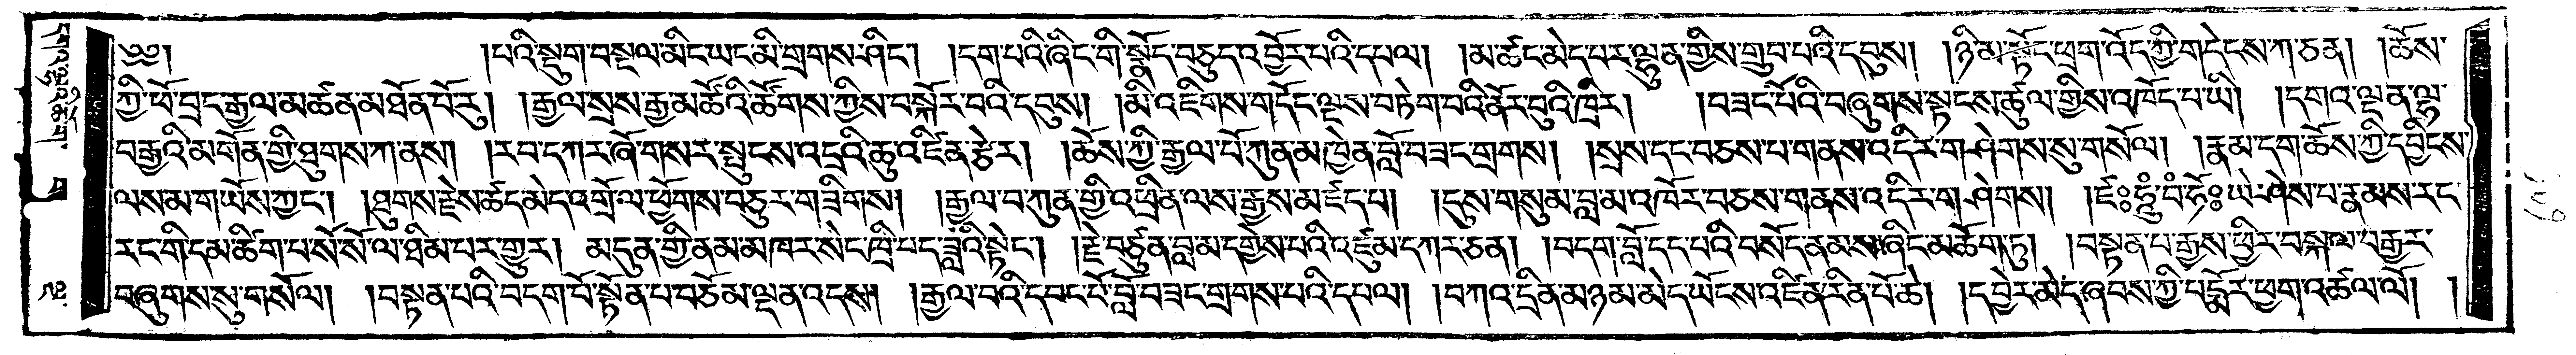༄༅། །པའི་སྡུག་བསྔལ་མིང་ཡང་མི་གྲགས་ཤིང་། །དག་བའི་ཞིང་གི་སྣོད་བཅུད་འབྱོར་པའི་དཔལ། །མ་ཚང་མེད་པར་ལྷུན་གྱིས་གྲུབ་པའི་དབུས། །ཉི་མ་སྟོང་ཕྲག་འོད་ཀྱི་གདེངས་ཀ་ཅན། །ཆོས་
ཀྱི་ཕོ་བྲང་རྒྱལ་མཚན་མཐོན་པོ་རུ། །རྒྱལ་སྲས་རྒྱ་མཚོའི་ཚོགས་ཀྱིས་བསྐོར་བའི་དབུས། །མི་འཇིགས་གདོང་ལྔས་བཏེགས་པའི་ནོར་བུའི་ཁྲིར། །བཟང་པོའི་བཞུགས་སྟངས་ཚུལ་གྱིས་འཁོད་པ་ཡི། །དགའ་ལྡན་ལྷ་
བརྒྱའི་མགོན་གྱི་ཐུགས་ཀ་ནས། །རབ་དཀར་ཞོ་གསར་སྤུངས་འདྲའི་ཆུ་འཛིན་རྩེར། །ཆོས་ཀྱི་རྒྱལ་པོ་ཀུན་མཁྱེན་བློ་བཟང་གྲགས། །སྲས་དང་བཅས་པ་གནས་འདིར་གཤེགས་སུ་གསོལ་།རྣམ་དག་ཆོས་ཀྱི་དབྱིངས་
ལས་མ་གཡོས་ཀྱང་། །ཐུགས་རྗེས་ཚད་མེད་འགྲོ་ལ་ཕྱོགས་བཅུར་གཟིགས། །རྒྱལ་བ་ཀུན་གྱི་འཕྲིན་ལས་རྒྱས་མཛད་པ། །དུས་གསུམ་བླ་མ་འཁོར་བཅས་གནས་འདིར་གཤེགས། །ཛཿཧཱུཾ་བཾ་ཧོཿ ཡེ་ཤེས་པ་རྣམས་རང་
རང་གི་དམ་ཚིག་པ་སོ་སོ་ལ་ཐིམ་པར་གྱུར། མདུན་གྱི་ནམ་མཁར་སེང་ཁྲི་པད་ཟླའི་སྟེང་། །རྗེ་བཙུན་བླ་མ་དགྱེས་པའི་འཛུམ་དཀར་ཅན། །བདག་བློ་དད་པའི་བསོད་ནམས་ཞིང་མཆོག་ཏུ། །བསྟན་པ་རྒྱས་ཕྱིར་བསྐལ་བརྒྱར་
བཞུགས་སུ་གསོལ། །བསྟན་པའི་བདག་པོ་སྟོན་པ་བཅོམ་ལྡན་འདས། །རྒྱལ་བའི་དབང་པོ་བློ་བཟང་གྲགས་པའི་དཔལ། །བཀའ་དྲིན་མཉམ་མེད་ཡོངས་འཛིན་རིན་པོ་ཆེ། །དབྱེར་མེད་ཞབས་ཀྱི་པདམོར་ཕྱག་འཚལ་ལོ། །